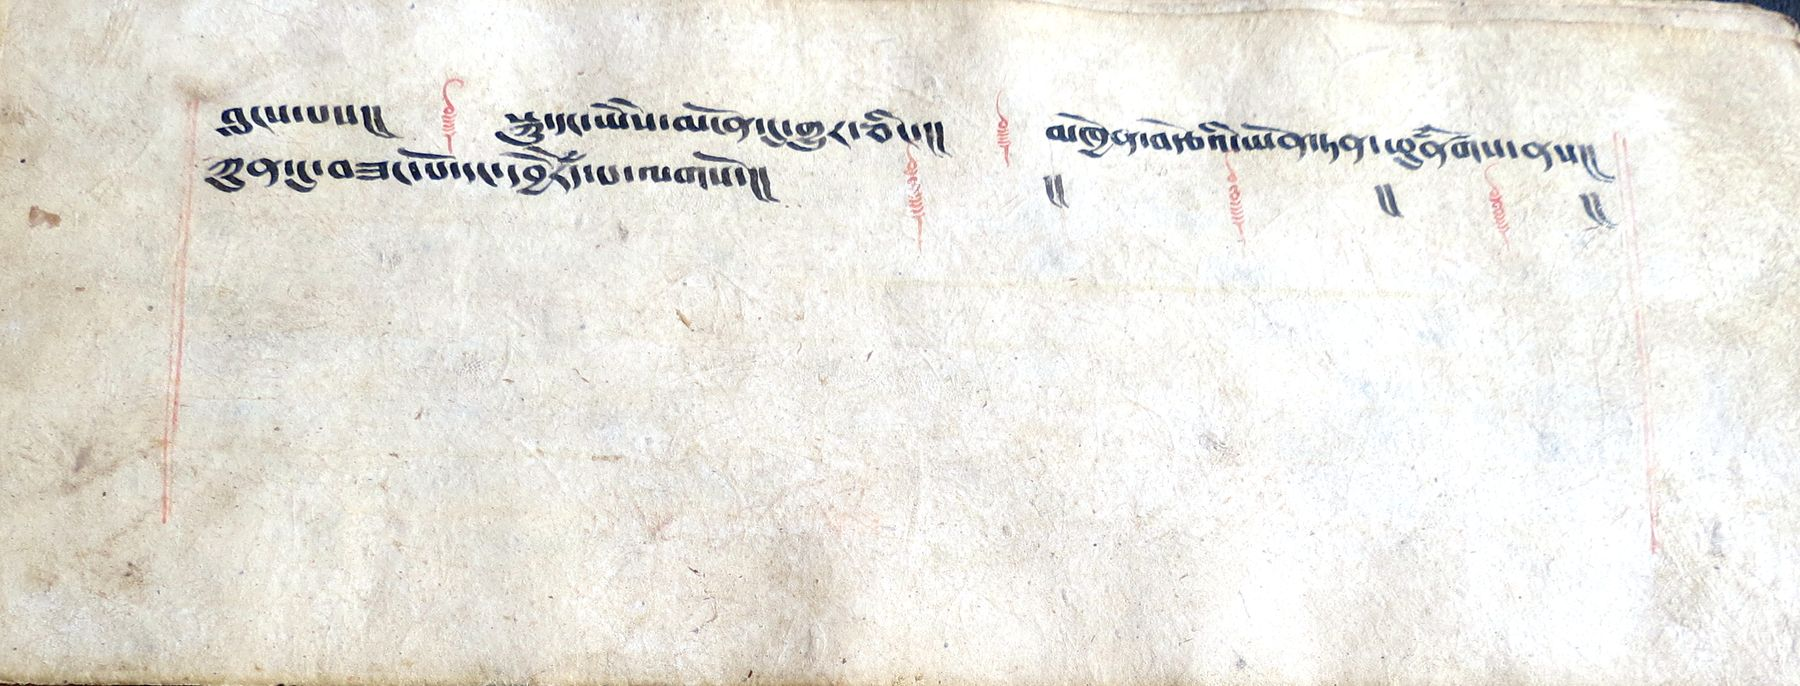བླངས་པས། སྐུ་དང་ཡེ་ཤེས་མངོན་དུ་གྱུར་ཅིང་། མཁྱེན་པའི་ཡོན་ཏན་ཕུན་སུམ་ཚོགས་ནས་
ཀུན་ཏུ་བཟང་པོ་དང་དབྱེར་མེད་པ་ལགས་སོ། །